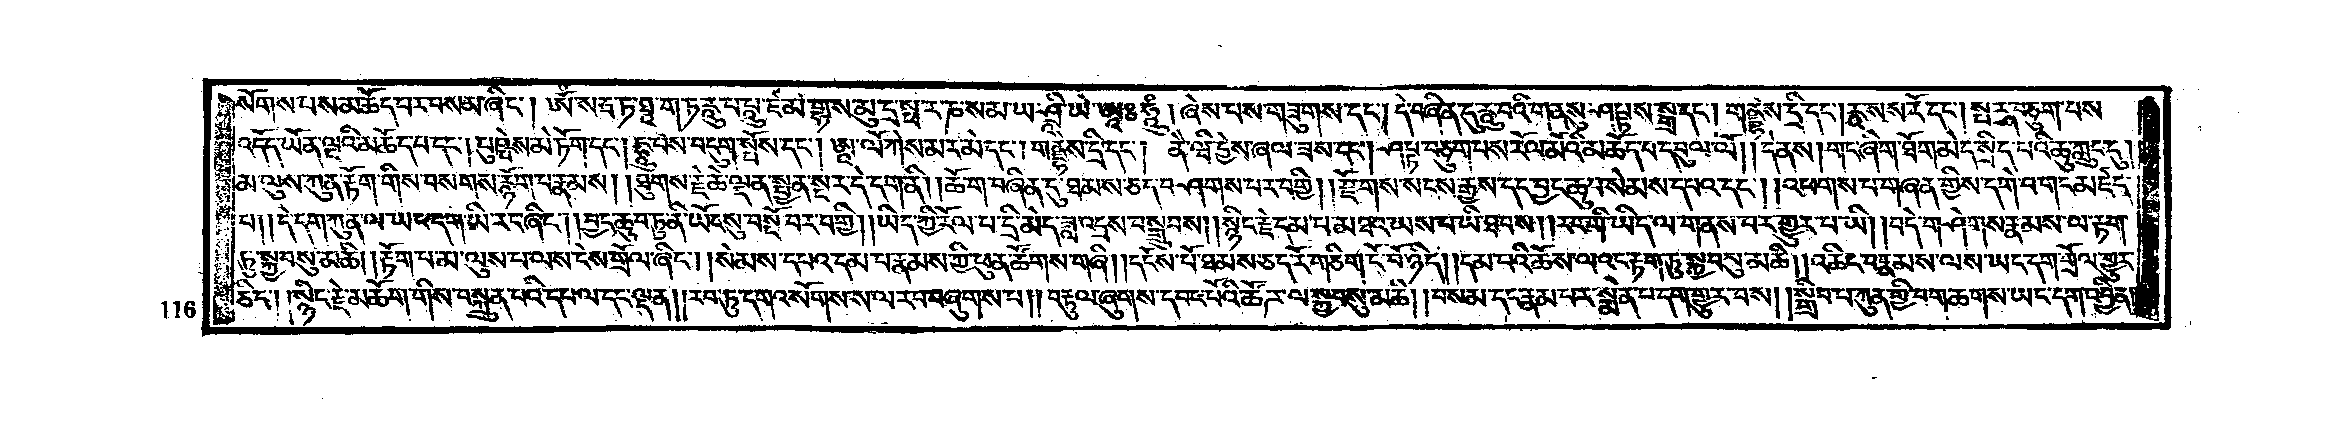སོགས་པས་མཆོད་པར་བསམ་ཞིང་། ཨོཾ་སརྦ་ཏ་ཐཱ་ག་ཏ་རཱུ་པ་པཱུ་ཛ་མེ་གྷ་ས་མུ་དྲ་སྥ་ར་ཎ་ས་མ་ཡ་ཤྲཱི་ཡེ་ཨཱཿ ཧཱུཾ། ཞེས་པས་གཟུགས་དང་། དེ་བཞིན་དུ་རཱུ་བའི་གནས་སུ་ཤཔྟས་སྒྲ་དང་། གནྡྷེས་དྲི་དང་། རཱ་སས་རོ་དང་། སྤརྴ་བཅུག་པས་
འདོད་ཡོན་ལྔའི་མཆོད་པ་དང་། པུཥྤེས་མེ་ཏོག་དང་། དྷཱུ་པོས་བདུག་སྤོས་དང་། ཨཱ་ལོ་ཀེས་མར་མེ་དང་། གནྡྷེས་དྲི་དང་། ནཻ་ཝི་དྱེས་ཞལ་ཟས་དང་། ཤཔྟ་བཅུག་པས་རོལ་མོའི་མཆོད་པ་དབུལ་ལོ། །དེ་ནས། གང་ཞིག་ཐོག་མེད་སྲིད་པའི་ཆུ་ཀླུང་དུ། །
མ་ལུས་ཀུན་རྟོག་གིས་བསགས་རྙོག་པ་རྣམས། །ཐུགས་རྗེ་ཆེ་ལྡན་སྤྱན་སྔར་དེ་དག་ནི། །ཆོ་ག་བཞིན་དུ་ཐམས་ཅད་བཤགས་པར་བགྱི། །རྫོགས་སངས་རྒྱས་དང་བྱང་ཆུབ་སེམས་དཔའ་དང་། །འཕགས་པ་གཞན་གྱིས་དགེ་བ་གང་མཛད་
པ། །དེ་དག་ཀུན་ལ་ཡང་དག་ཡི་རང་ཞིང་། །བྱང་ཆུབ་ཏུ་ནི་ཡོངས་སུ་བསྔོ་བར་བགྱི། །ཡིད་ཀྱི་རོལ་པ་དྲི་མེད་ཟླ་འདྲས་བསྒྲུབས། །སྙིང་རྗེ་དམ་པ་མཐའ་ཡས་པ་ཡི་ཐབས། །རང་གི་ཡིད་ལ་གནས་པར་གྱུར་པ་ཡི། །བདེ་གཤེགས་རྣམས་ལ་རྟག་
ཏུ་སྐྱབས་སུ་མཆི། །རྟོག་པ་མ་ལུས་པ་ལས་ངེས་གྲོལ་ཞིང་། །སེམས་དཔའ་དམ་པ་རྣམས་ཀྱི་ཕུན་ཚོགས་གཞི། །དངོས་པོ་ཐམས་ཅད་རོ་གཅིག་ངོ་བོ་ཉིད། །དམ་པའི་ཆོས་ལའང་རྟག་ཏུ་སྐྱབས་སུ་མཆི། །འཆིང་བ་རྣམས་ལས་ཡང་དག་གྲོལ་གྱུར་
ཅིང་། །སྙིང་རྗེ་མཆོག་གིས་བསྐྲུན་པའི་དཔལ་དང་ལྡན། །རབ་ཏུ་དགའ་སོགས་ས་ལ་རབ་བཞུགས་པ། །བརྟུལ་ཞུགས་དབང་པོའི་ཚོགས་ལ་སྐྱབས་སུ་མཆི། །བསམ་དང་རྣམ་པར་སྨིན་པ་དག་གྱུར་པས། །སྒྲིབ་པ་ཀུན་གྱི་བག་ཆགས་ཡང་དག་འབྱིན། །